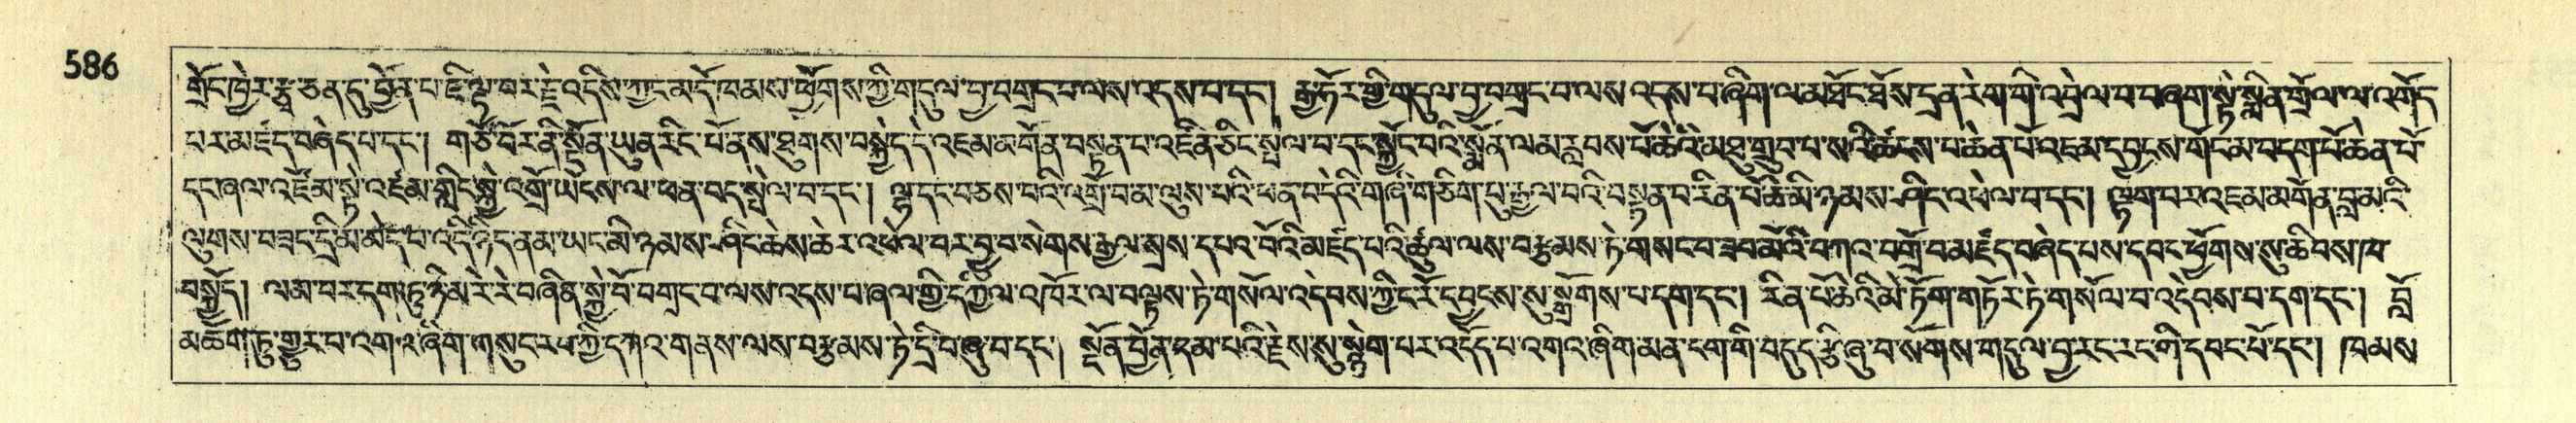གྲོང་ཁྱེར་རྩྭ་ཅན་དུ་བྱོན་པ་ཇི་ལྟ་བར་རྗེ་འདིས་ཀྱང་མདོ་ཁམས་ཕྱོགས་ཀྱི་གདུལ་བྱ་བགྲང་བ་ལས་འདས་པ་དང་། རྒྱ་ཧོར་གྱི་གདུལ་བྱ་བགྲང་བ་ལས་འདས་པ་ཞིག་ལ་མཐོང་ཐོས་དྲན་རེག་གི་འབྲེལ་བ་བཞག་སྟེ་སྨིན་གྲོལ་ལ་འགོད་
པར་མཛད་བཞེད་པ་དང་། གཙོ་བོར་ནི་སྔོན་ཡུན་རིང་པོ་ནས་ཐུགས་བསྐྱེད་དེ་འཇམ་མགོན་བསྟན་པ་འཛིན་ཅིང་སྤེལ་བ་དང་སྐྱོང་བའི་སྨོན་ལམ་རླབས་པོ་ཆེའི་མཐུ་གྲུབ་པ་སའི་ཚངས་པ་ཆེན་པོ་འཇམ་དབྱངས་གོང་མ་བདག་པོ་ཆེན་པོ་
དང་ཞལ་འཛོམ་སྟེ་འཛམ་གླིང་སྐྱེ་འགྲོ་ཡོངས་ལ་ཕན་བད་སྤེལ་བ་དང་། ལྷ་དང་བཅས་པའི་འགྲོ་བ་མ་ལུས་པའི་ཕན་བདེའི་གཞི་གཅིག་པུ་རྒྱལ་བའི་བསྟན་བ་རིན་པོ་ཆེ་མི་ཉམས་ཤིང་འཕེལ་བ་དང་། ལྷག་བར་འཇམ་མགོན་བླ་མའི་
ལུགས་བཟང་དྲི་མ་མེད་པ་འདི་ཉིད་ནམ་ཡང་མི་ཉམས་ཤིང་ཆེས་ཆེར་འཕེལ་བར་བྱ་བ་སེགས་རྒྱལ་སྲས་དཔའ་བོའི་མཛད་པའི་ཚུལ་ལས་བརྩམས་ཏེ་གསང་བ་ཟབ་མོའི་བཀའ་བགྲོ་བ་མཛད་བཞེད་པས་དབང་ཕྱོགས་སུ་ཆིབས་ཁ་
བསྐྱོད། ལམ་བར་དག་ཏུ་ཉི་མ་རེ་རེ་བཞིན་སྐྱེ་བོ་བགྲང་བ་ལས་འདས་པ་ཞལ་གྱི་དཀྱིལ་འཁོར་ལ་བལྟས་ཏེ་གསོལ་འདེབས་ཀྱི་ང་རོ་དབྱངས་སུ་སྒྲོགས་པ་དག་དང་། རིན་པོ་ཆེའི་མེ་ཏོག་གཏོར་ཏེ་གསོལ་བ་འདེབས་བ་དག་དང་། བློ་
མཆོག་ཏུ་གྱུར་པ་འགའ་ཞིག་གསུང་རབ་ཀྱི་དཀའ་གནས་ལས་བརྩམས་ཏེ་དྲི་བ་ཞུ་བ་དང་། སྔོན་བྱོན་དམ་པའི་རྗེས་སུ་སྙེག་པར་འདོད་པ་འགའ་ཞིག་མན་ངག་གི་བདུད་རྩི་ཞུ་བ་སོགས་གདུལ་བྱ་རང་རང་གི་དབང་པོ་དང་། ཁམས་